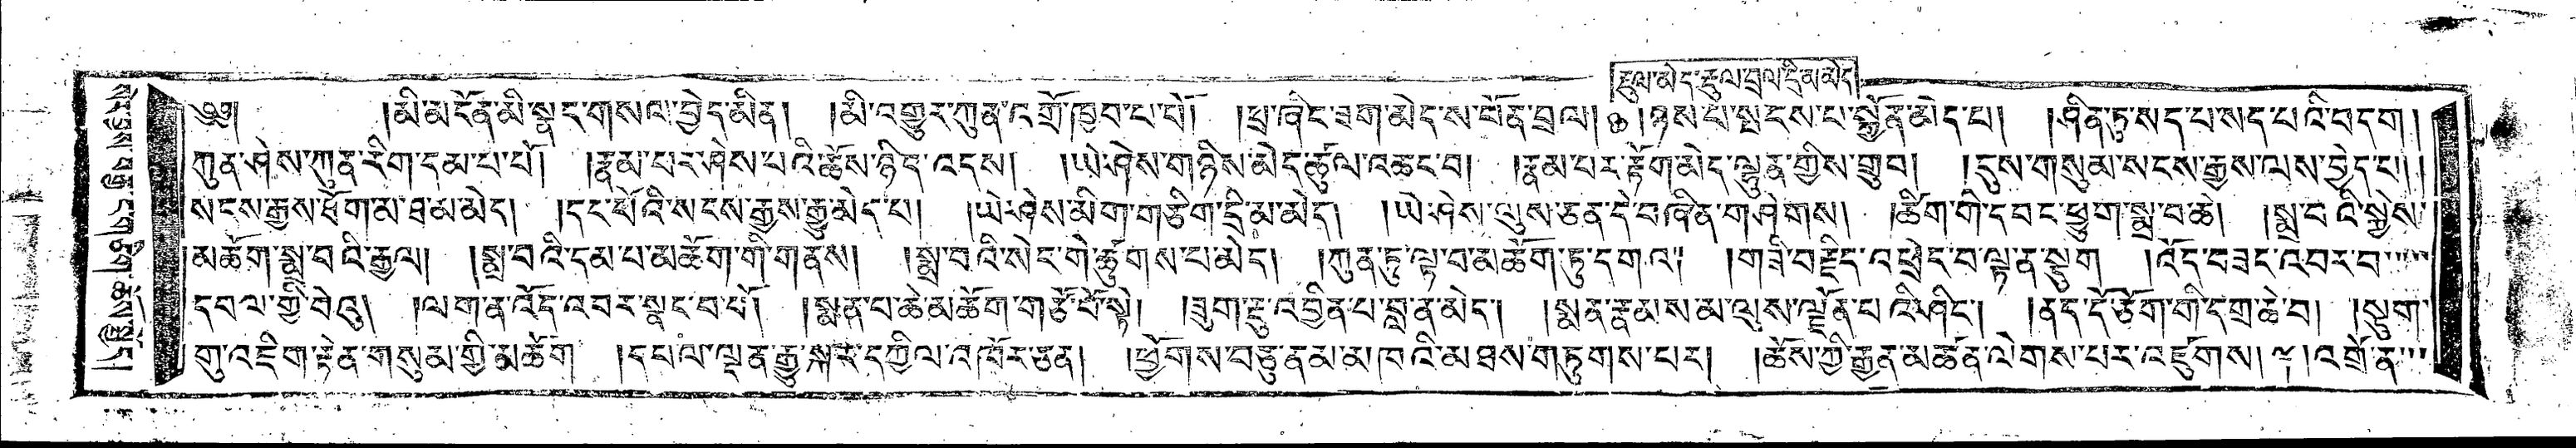༄༅། །མི་མངོན་མི་སྣང་གསལ་བྱེད་མིན། །མི་འགྱུར་ཀུན་འགྲོ་ཁྱབ་པ་པོ། །ཕྲ་ཞིང་ཟག་མེད་ས་བོན་བྲལ། །རྡུལ་མེད་རྡུལ་བྲལ་དྲི་མ་མེད། །ཉས་པ་སྤངས་པ་སྐྱོན་མེད་པ། །ཤིན་ཏུ་སད་པ་སད་པའི་བདག །
ཀུན་ཤེས་ཀུན་རིག་དམ་པ་པོ། །རྣམ་པར་ཤེས་པའི་ཆོས་ཉིད་འདས། །ཡེ་ཤེས་གཉིས་མེད་ཚུལ་འཆང་བ། །རྣམ་པར་རྟོག་མེད་ལྷུན་གྱིས་གྲུབ། །དུས་གསུམ་སངས་རྒྱས་ལས་བྱེད་པ། །
སངས་རྒྱས་ཐོག་མ་ཐ་མ་མེད། །དང་པོའི་སངས་རྒྱས་རྒྱུ་མེད་པ། །ཡེ་ཤེས་མིག་གཅིག་དྲི་མ་མེད། །ཡེ་ཤེས་ལུས་ཅན་དེ་བཞིན་གཤེགས། །ཚིག་གི་དབང་ཕྱུག་སྨྲ་བ་ཆེ། །སྨྲ་བའི་སྐྱེས་
མཆོག་སྨྲ་བའི་རྒྱལ། །སྨྲ་བའི་དམ་པ་མཆོག་གི་གནས། །སྨྲ་བའི་སེང་གེ་ཚུགས་པ་མེད། །ཀུན་ཏུ་ལྟ་བ་མཆོག་ཏུ་དགའ། །གཟི་བརྗིད་འཕྲེང་བ་ལྟ་ན་སྡུག །འོད་བཟང་འབར་བ་
དཔལ་གྱི་བེའུ། །ལག་ན་འོད་འབར་སྣང་བ་པོ། །སྨན་པ་ཆེ་མཆོག་གཙོ་བོ་སྟེ། །ཟུག་རྔུ་འབྱིན་པ་བླ་ན་མེད། །སྨན་རྣམས་མ་ལུས་ལྗོན་པའི་ཤིང་། །ནད་དོ་ཅོག་གི་དགྲ་ཆེ་བ། །སྡུག་
གུ་འཇིག་རྟེན་གསུམ་གྱི་མཆོག །དཔལ་ལྡན་རྒྱུ་སྐར་དཀྱིལ་འཁོར་ཅན། །ཕྱོགས་བཅུ་ནམ་མཁའི་མཐས་གཏུགས་པར། །ཆོས་ཀྱི་རྒྱན་མཚན་ལེགས་པར་འཛུགས། ༈ །འགྲོ་ན་